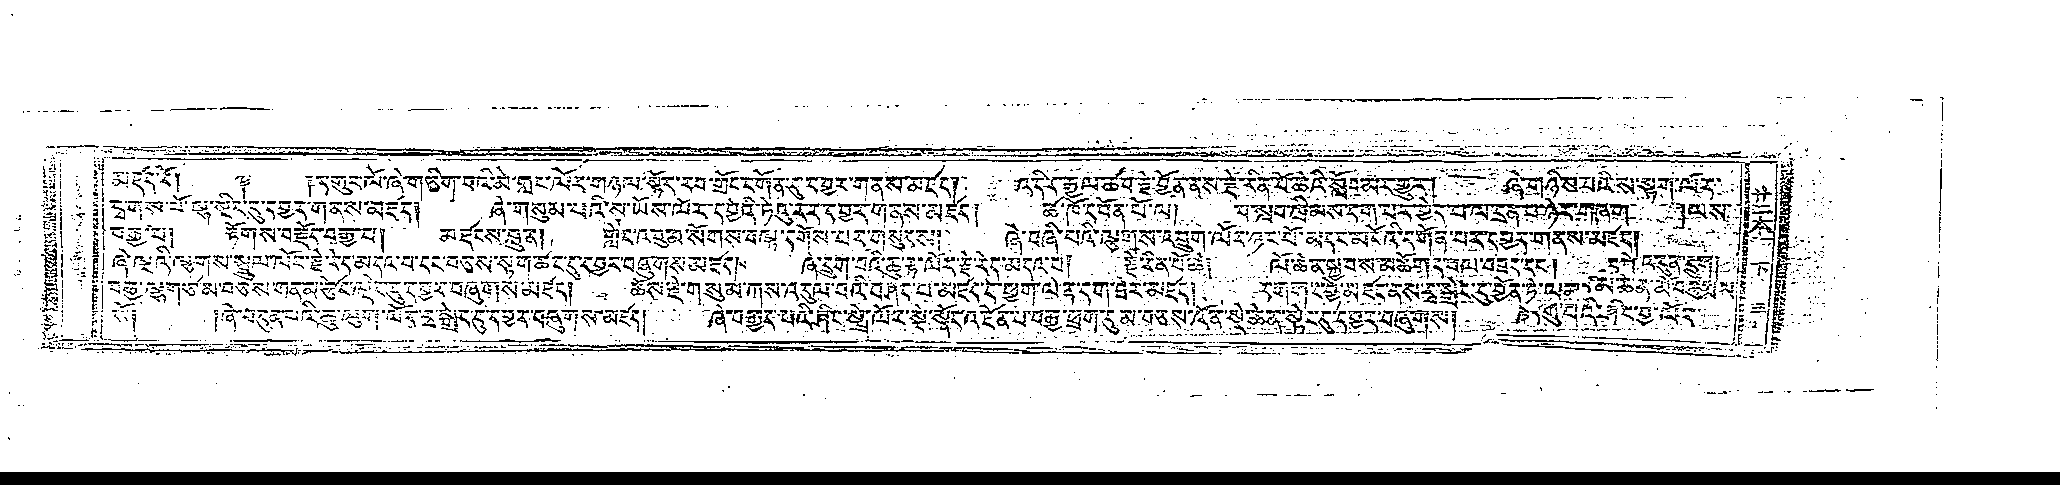མཛད་དོ། ༈ །དགུང་ལོ་ཞེ་གཅིག་བའི་མེ་གླང་ལོར་གཉལ་སྟོད་རབ་གྲོང་དགོན་དུ་དབྱར་གནས་མཛད། འདིར་རྒྱལ་ཚབ་རྗེ་བྱོན་ནས་རྗེ་རིན་པོ་ཆེའི་སློབ་མར་གྱུར། ཞེ་གཉིས་པའི་ས་སྟག་ལོར་
དྲགས་པེ་ལྷ་སྡིང་དུ་དབྱར་གནས་མཛད། ཞེ་གསུམ་པའི་ས་ཡོས་ལོར་དབྱེའི་ཏེའུ་རར་དབྱར་གནས་མཛད། ཚ་ཁོ་དཔོན་པོ་ལ། བསླབ་ཁྲིམས་དག་པར་བྱེད་པ་ལ་དྲན་པ་ཉེར་གཞག །ལས་
བརྒྱ་བ། རྟོགས་བརྗོད་བརྒྱ་པ། མཛངས་བླུན། གླིང་འབུམ་སོགས་བལྟ་དགོས་པར་གསུངས། ཞེ་བཞི་པའི་ལྕགས་འབྲུག་ལོར་ཉང་པོ་མདང་མདོའི་དགོན་པར་དབྱར་གནས་མཛད།
ཞི་ལྔའི་ལྟགས་སྤྲུལ་ལོར་རྗེ་རེད་མདའ་པ་དང་བཅས་སྟག་ཚད་དུ་དབྱར་བཞུགས་མཛད། ཞེ་དྲུག་བའི་ཆུ་རྟ་ལོར་རྗེ་རེད་མདའ་པ། རྗེ་རིན་པོ་ཆེ། ལོ་ཆེན་སྐྱབས་མཆོག་དཔལ་བཟང་དང་། དགེ་འདུན་དྲུག།
བརྒྱ་ལྷག་ཙམ་བཅོས་གནམ་རྩེང་ལྡེང་དུ་དབྱར་བཞུགས་མཛད། ཆོས་རྗེ་གསུམ་གས་འདུལ་བའི་བཤད་པ་མཛད་དེ་ཕྱག་ལེན་དག་ཐེར་མཛད། དགག་དབྱེ་མཛད་ནས་རྭ་སྒྲེང་དུ་བྱོན་ཏེ་ལམ་རིམ་ཚེན་མོ་འ་ཚུབས་
སོ། །ཞེ་བདུན་པའི་མེ་ལུག་ལོར་རྭ་སྒྲེང་དུ་དབྱར་བཞུགས་མཛད། ཞེ་བརྒྱད་པའི་ཤིང་སྤྲེ་ལོར་སྡེ་སྣོང་འཛིན་པ་བརྒྱ་ཕྲག་དུ་མ་བཅས་འོན་སྡེ་ཆེན་སྟེང་རུ་དབྱར་བཞུགས། ཞེ་དགུ་བའི་ཤིང་བྱ་ལོར་